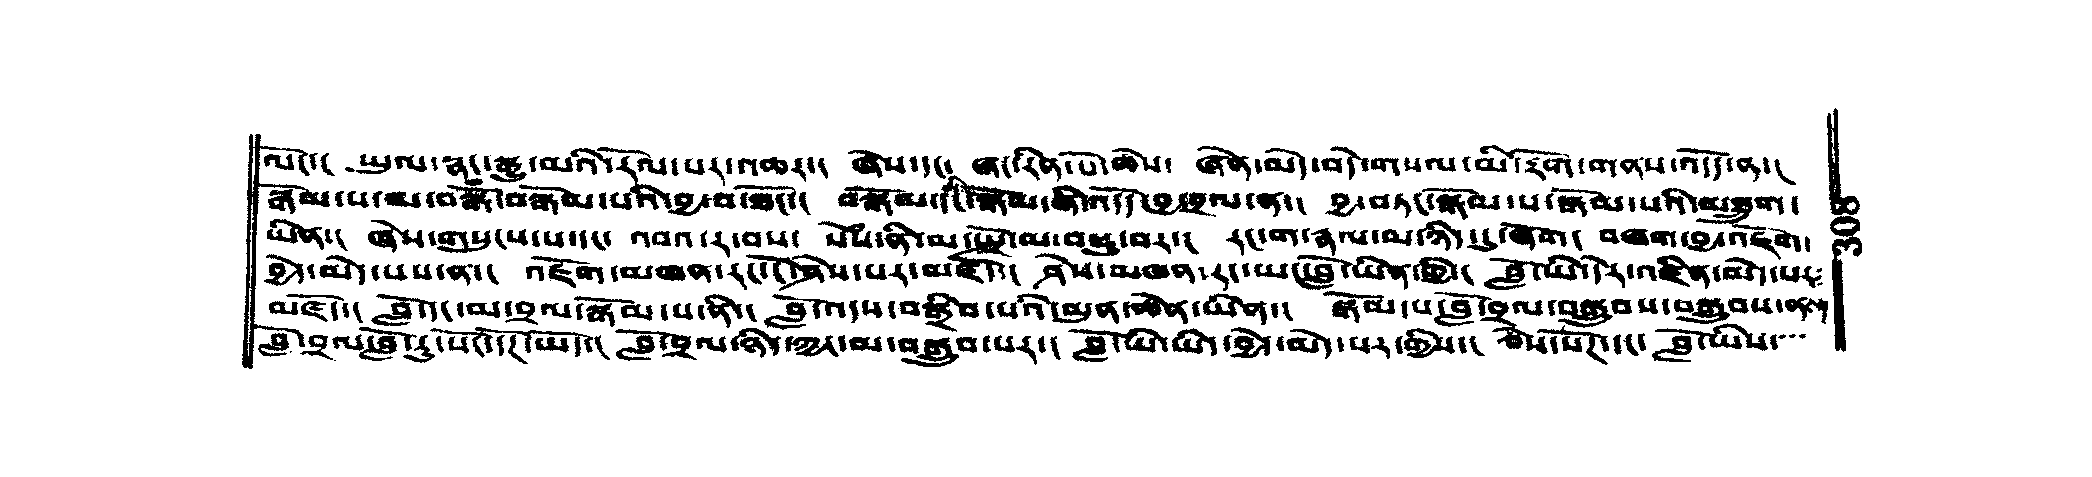ལོང་། །ཡུལ་སྣང་སྒྱུ་མའི་རོལ་པར་འཆར། ཞེས་དང་། ཞང་རིན་པོ་ཆེས། ཞེན་མེད་བདེ་གསལ་མི་རྟོག་གནས་འདོད་ན། །
སྒོམ་པ་མ་བསྒོམ་བསྒོམ་པའི་བྱ་བ་ཐོང་། །བསྒོམ་དང་མི་བསྒོམ་ཞེ་འདོད་བྱ་བྲལ་ན། །བྱ་བཏང་སྒོམ་པ་སྒོམ་པའི་མཐར་ཐུག་
ཡིན། ཞེས་གསུངས་པ་དང་། འབའ་ར་བས། སེམས་ནི་མ་སྤྲོ་མ་བསྡུ་བར། །རང་ག་རྣལ་མ་ཉིད་དུ་ཞོག །བཞག་བྱ་འཇོག་
བྱེད་མེད་པས་ན། །འཇོག་མཁན་རང་ངོ་ཤེས་པར་མཛོད། །ཤེས་མཁན་རང་ཡང་བློ་ཡིན་གྱི། །བློ་ཡི་དེར་འཛིན་མེད་པར་
མཛོད། །བློ་དང་མ་བྲལ་སྒོམ་པ་ནི། །བློ་འདས་བསྒྲིབ་པའི་མུན་ཆེན་ཡིན། །སྒོམ་པ་བློ་བྲལ་བསྒྲུབས་བསྒྲུབས་ནས། །
བློ་བྲལ་བློ་རུ་སོང་དོགས་ཡོད། །བློ་བྲལ་ཉིད་ཀྱང་མ་བསྒྲུབ་པར། །བློ་ཡི་ཡིད་བྱེད་མེད་པར་གྱིས། ཅེས་སོགས་དང་། བློ་ཡིས་